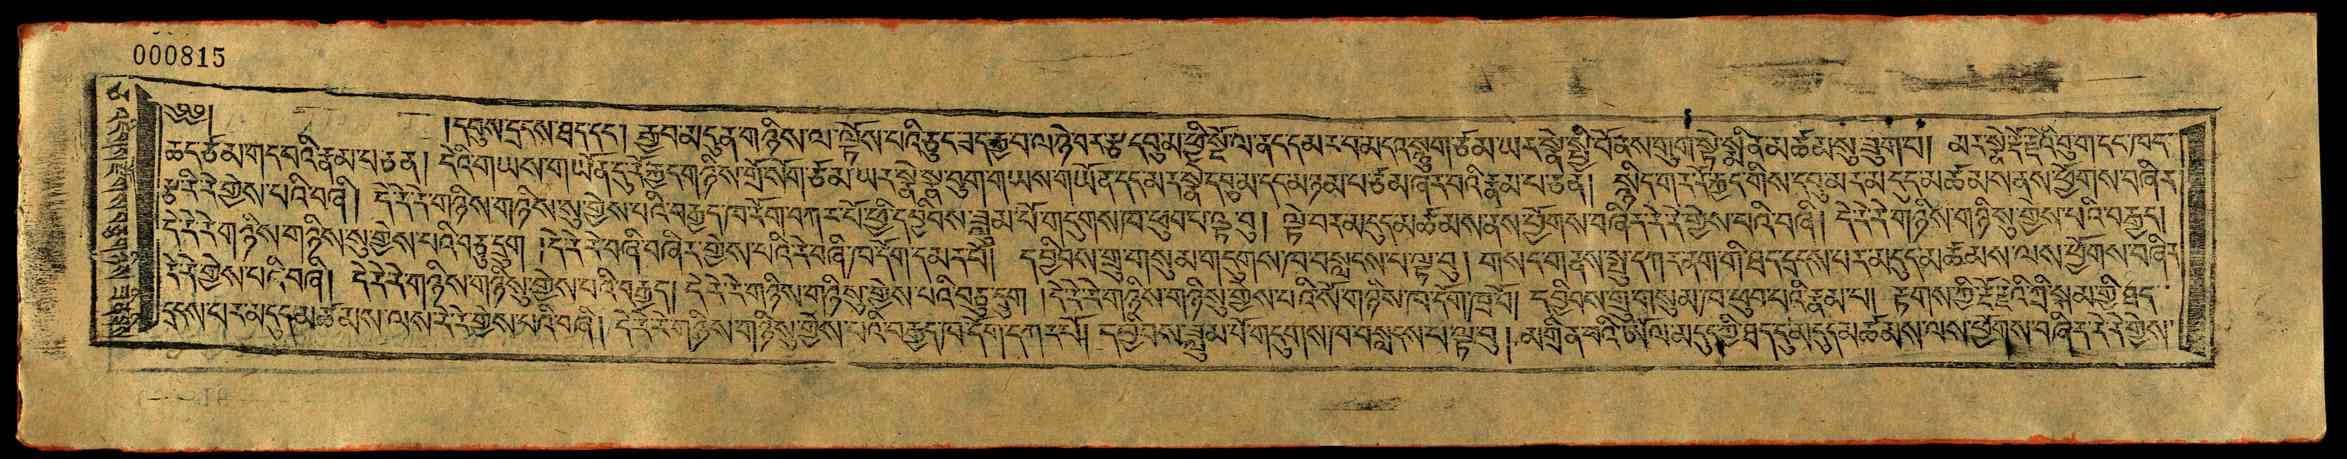༄༅། །དབུས་དྲངས་ཐད་དང་། རྒྱབ་མདུན་གཉིས་ལ་ལྟོས་པའི་ཅུང་ཟད་རྒྱབ་ལ་ཉེ་བར་རྩ་དབུ་མ་ཕྱི་སྔོ་ལ་ནང་དམར་བ་མདའ་སྙུག་ཙམ་ཡར་སྣེ་སྤྱི་བོ་ནས་གུག་སྟེ་སྨིན་མཚམས་སུ་ཟུག་པ། མར་སྣེ་རྡོ་རྗེའི་བུག་དང་ཁད་
ཆད་ཙམ་གང་བའི་རྣམ་པ་ཅན་དེའི་གཡས་གཡོན་དུ་རོ་རྐྱང་གཉིས་གྲོ་སོག་ཙམ་ཡར་སྣེ་སྣ་བུག་གཡས་གཡོན་དང་མར་སྣ་དབུ་མ་དང་མཉམ་པ་ཙམ་ཞར་བའི་རྣམ་པ་ཅན། སྙིང་གར་རོ་རྐྱང་གིས་དབུ་མར་མདུད་མཚམས་ནས་ཕྱོགས་བཞིར་
རྩ་རེ་རེ་གྱེས་པའི་བཞི། དེ་རེ་རེ་གཉིས་?་གཉིས་སུ་གྱེས་པའི་བརྒྱད་ཁ་དོག་བཀར་པོ་ཕྱི་དབྱིབས་ཟླུམ་པོ་གདུགས་ཁ་ཕུབ་པ་ལྟ་བུ། ལྟེ་བར་མདུང་མཚམས་ནས་ཕྱོགས་བཞིར་རེ་རེ་གྱེས་པའི་བཞི། དེ་རེ་རེ་གཉིས་གཉིས་སུ་གྱེས་པའི་བརྒྱད།
དེ་རེ་རེ་གཉིས་གཉིས་སུ་གྱེས་པའི་བཅུ་དྲུག །དེ་རེ་རེ་བཞི་བཞིར་གྱེས་པའི་རེ་བཞི་ཁ་དོག་དམར་པོ། དབྱིབས་གྲུ་གསུམ་གདུགས་ཁ་བསླངས་པ་ལྟ་བུ། གསང་གནས་སྤུ་དཀར་ནག་གི་ཐད་དྲངས་པར་མདུད་མཚམས་ལས་ཕྱོགས་བཞིར་
རེ་རེ་གྱེས་པའི་བཞི། དེ་རེ་རེ་གཉིས་གཉིས་སུ་གྱེས་པའི་བརྒྱད། དེ་རེ་རེ་གཉིས་གཉིས་སུ་གྱེས་པའི་བཅུ་དྲུག །དེ་རེ་རེ་གཉིས་གཉིས་སུ་གྱེས་པའི་སོ་གཉིས་ཁ་དོག་ཁྲ་བོ། དབྱིབས་གྲུ་གསུམ་ཁ་ཕུབ་པའི་རྣམ་པ། རྟགས་ཀྱི་རྡོ་རྗེའི་ཀྲི་སྐམ་གྱི་ཐད་
དྲངས་པར་མདུད་མཚམས་ལས་རེ་རེ་གྱེས་པའི་བཞི། དེ་རེ་རེ་གཉིས་གཉིས་སུ་གྱེས་པའི་བརྒྱད་ཁ་དོག་དཀར་པོ། དབྱིབས་ཟླུམ་པོ་གདུགས་ཁ་བསླངས་པ་ལྟ་བུ། མགྲིན་པའི་ཨོལ་མདུད་ཀྱི་ཐད་དུ་མདུད་མཚམས་ལས་ཕྱོགས་བཞིར་རེ་རེ་གྱེས་